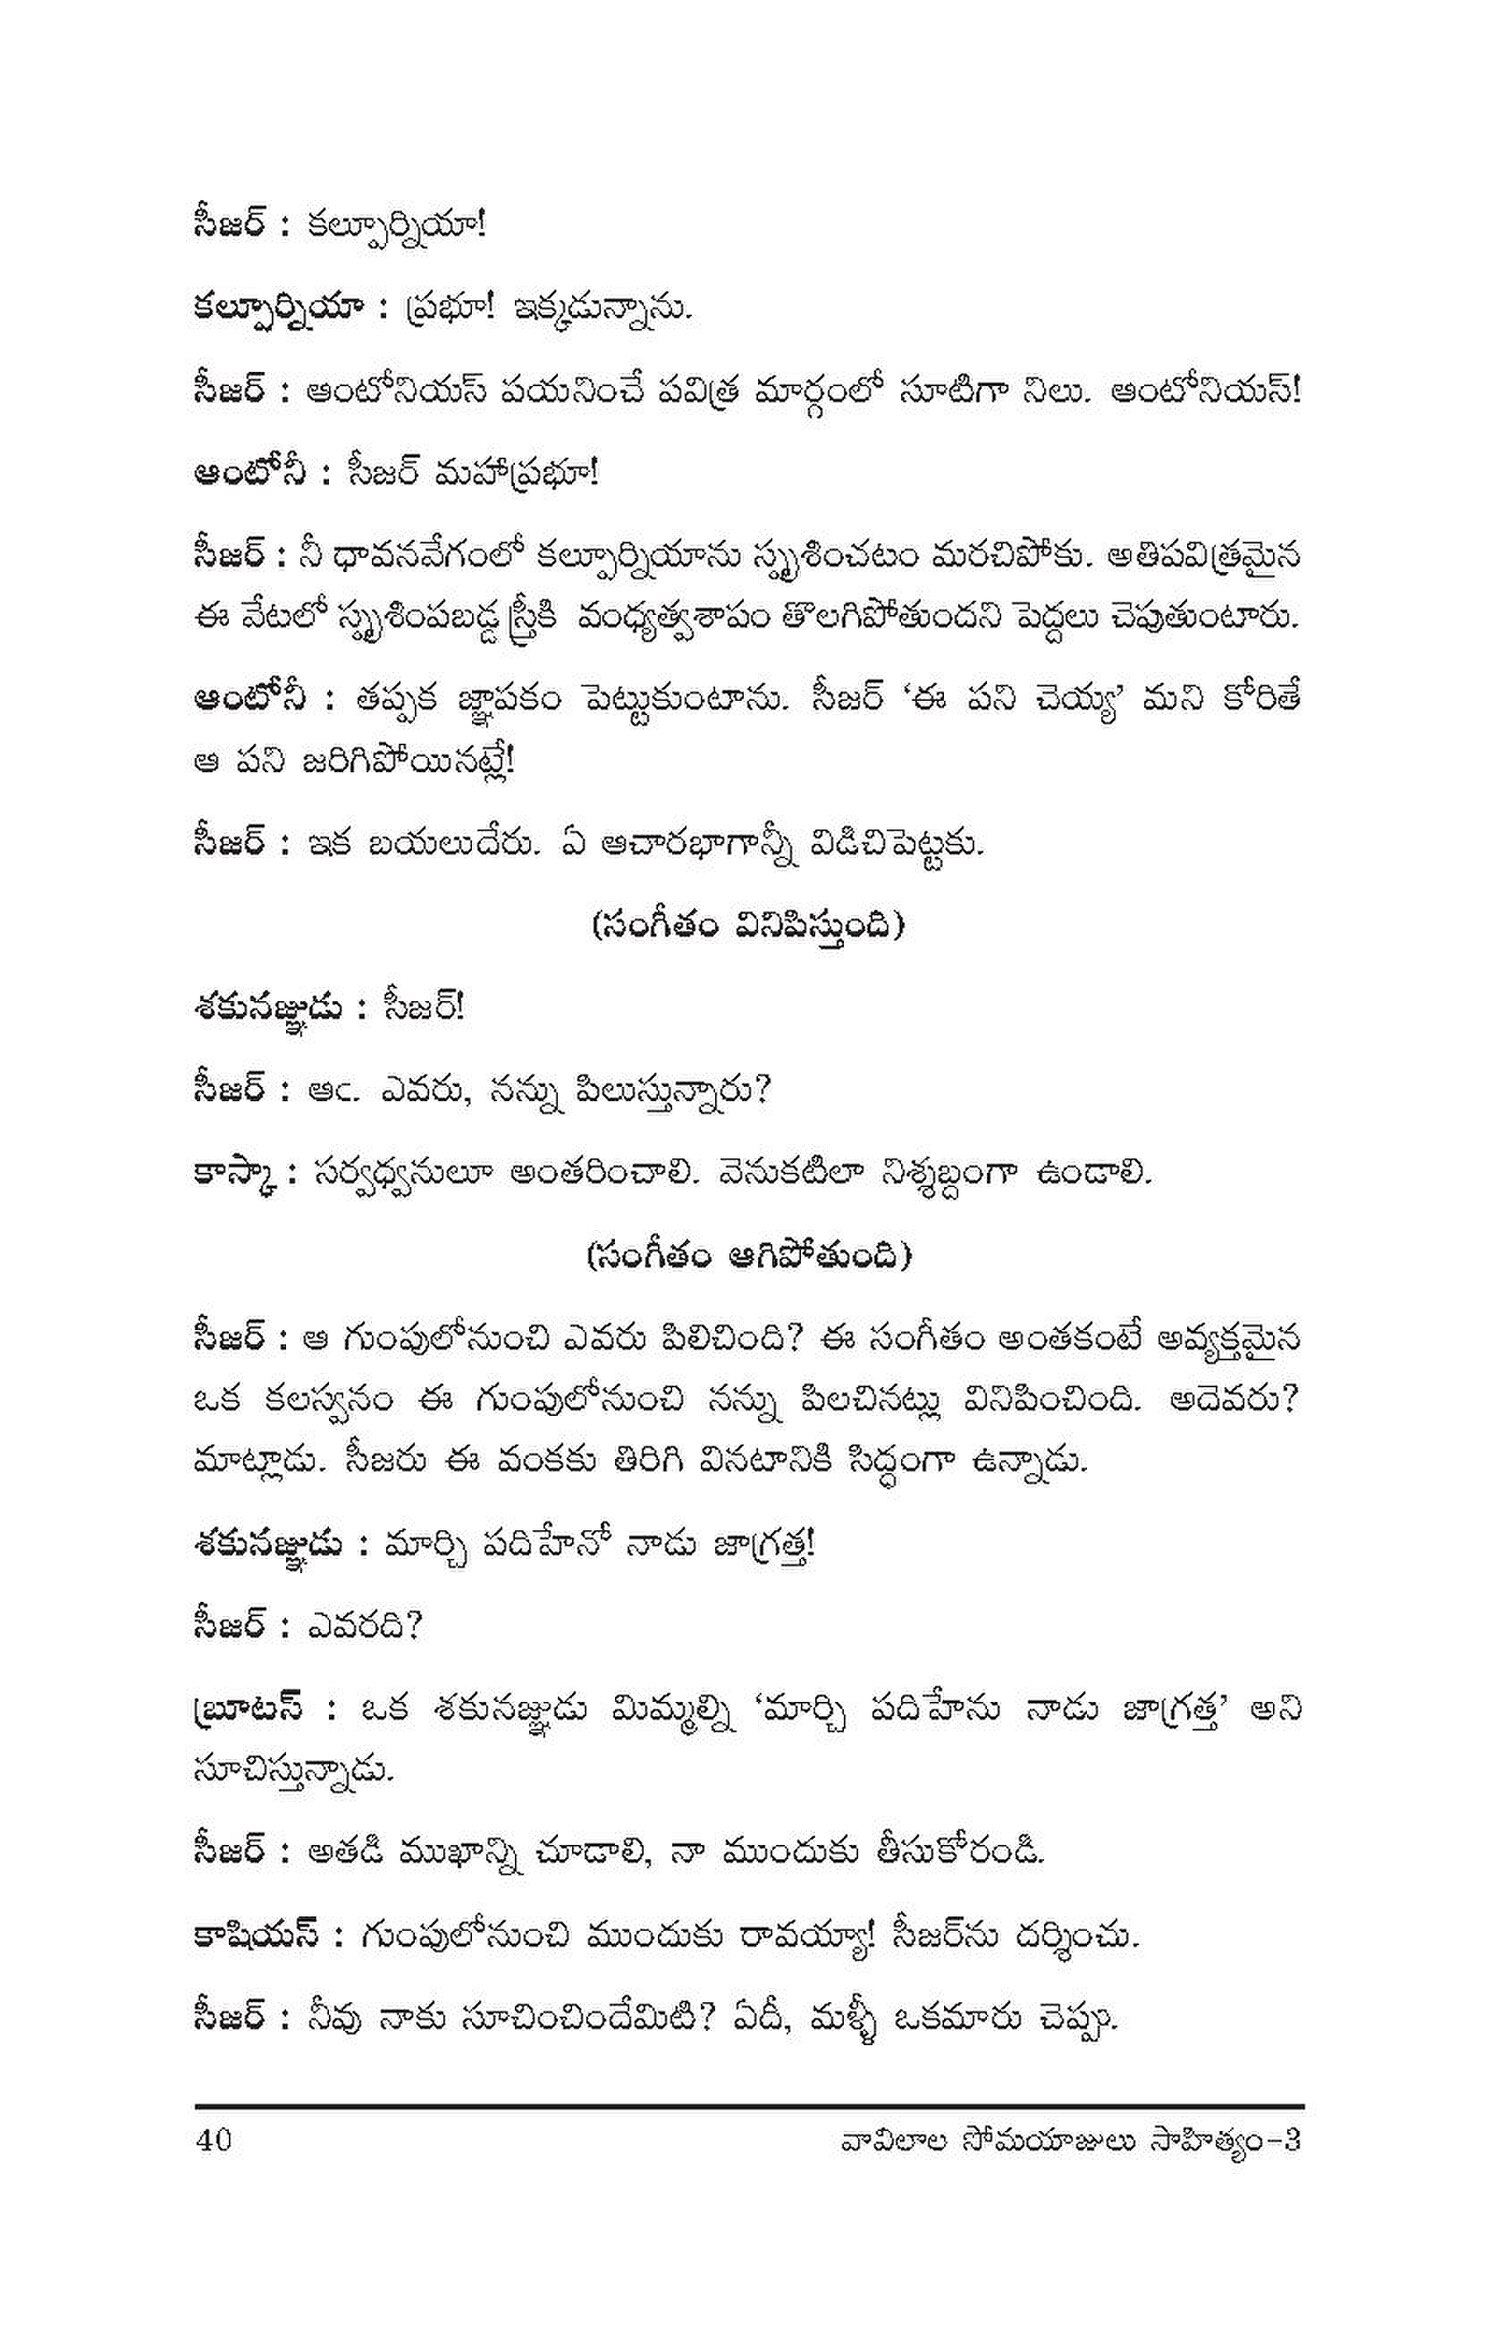సీజర్ : కల్పూర్నియా!

కల్పూర్నియా : ప్రభూ! ఇక్కడున్నాను.

సీజర్ : ఆంటోనియస్ పయనించే పవిత్ర మార్గంలో సూటిగా నిలు. ఆంటోనియస్!

ఆంటోనీ : సీజర్ మహాప్రభూ!

సీజర్ : నీ ధావనవేగంలో కల్పూర్నియాను స్పృశించటం మరచిపోకు. అతిపవిత్రమైన ఈ వేటలో స్పృశింపబడ్డ స్త్రీకి వంధ్యత్వశాపం తొలగిపోతుందని పెద్దలు చెపుతుంటారు.

ఆంటోనీ : తప్పక జ్ఞాపకం పెట్టుకుంటాను. సీజర్ 'ఈ పని చెయ్య' మని కోరితే ఆ పని జరిగిపోయినట్లే!

సీజర్ : ఇక బయలుదేరు. ఏ ఆచారభాగాన్నీ విడిచిపెట్టకు.

శకునజ్ఞుడు : సీజర్!

సీజర్ : ఆఁ. ఎవరు, నన్ను పిలుస్తున్నారు?

కాస్కా : సర్వధ్వనులూ అంతరించాలి. వెనుకటిలా నిశ్శబ్దంగా ఉండాలి.

సీజర్ : ఆ గుంపులోనుంచి ఎవరు పిలిచింది? ఈ సంగీతం అంతకంటే అవ్యక్తమైన ఒక కలస్వనం ఈ గుంపులో నుంచి నన్ను పిలచినట్లు వినిపించింది. అదెవరు? మాట్లాడు. సీజరు ఈ వంకకు తిరిగి వినటానికి సిద్ధంగా ఉన్నాడు.

శకునజ్ఞుడు : మార్చి పదిహేనో నాడు జాగ్రత్త!

సీజర్ : ఎవరది?

బ్రూటస్ : ఒక శకునజ్ఞుడు మిమ్మల్ని 'మార్చి పదిహేను నాడు జాగ్రత్త' అని సూచిస్తున్నాడు.

సీజర్ : అతడి ముఖాన్ని చూడాలి, నా ముందుకు తీసుకోరండి.

కాషియస్ : గుంపులోనుంచి ముందుకు రావయ్యా! సీజర్ ను దర్శించు.

సీజర్ : నీవు నాకు సూచించిందేమిటి? ఏదీ, మళ్ళీ ఒకమారు చెప్పు.